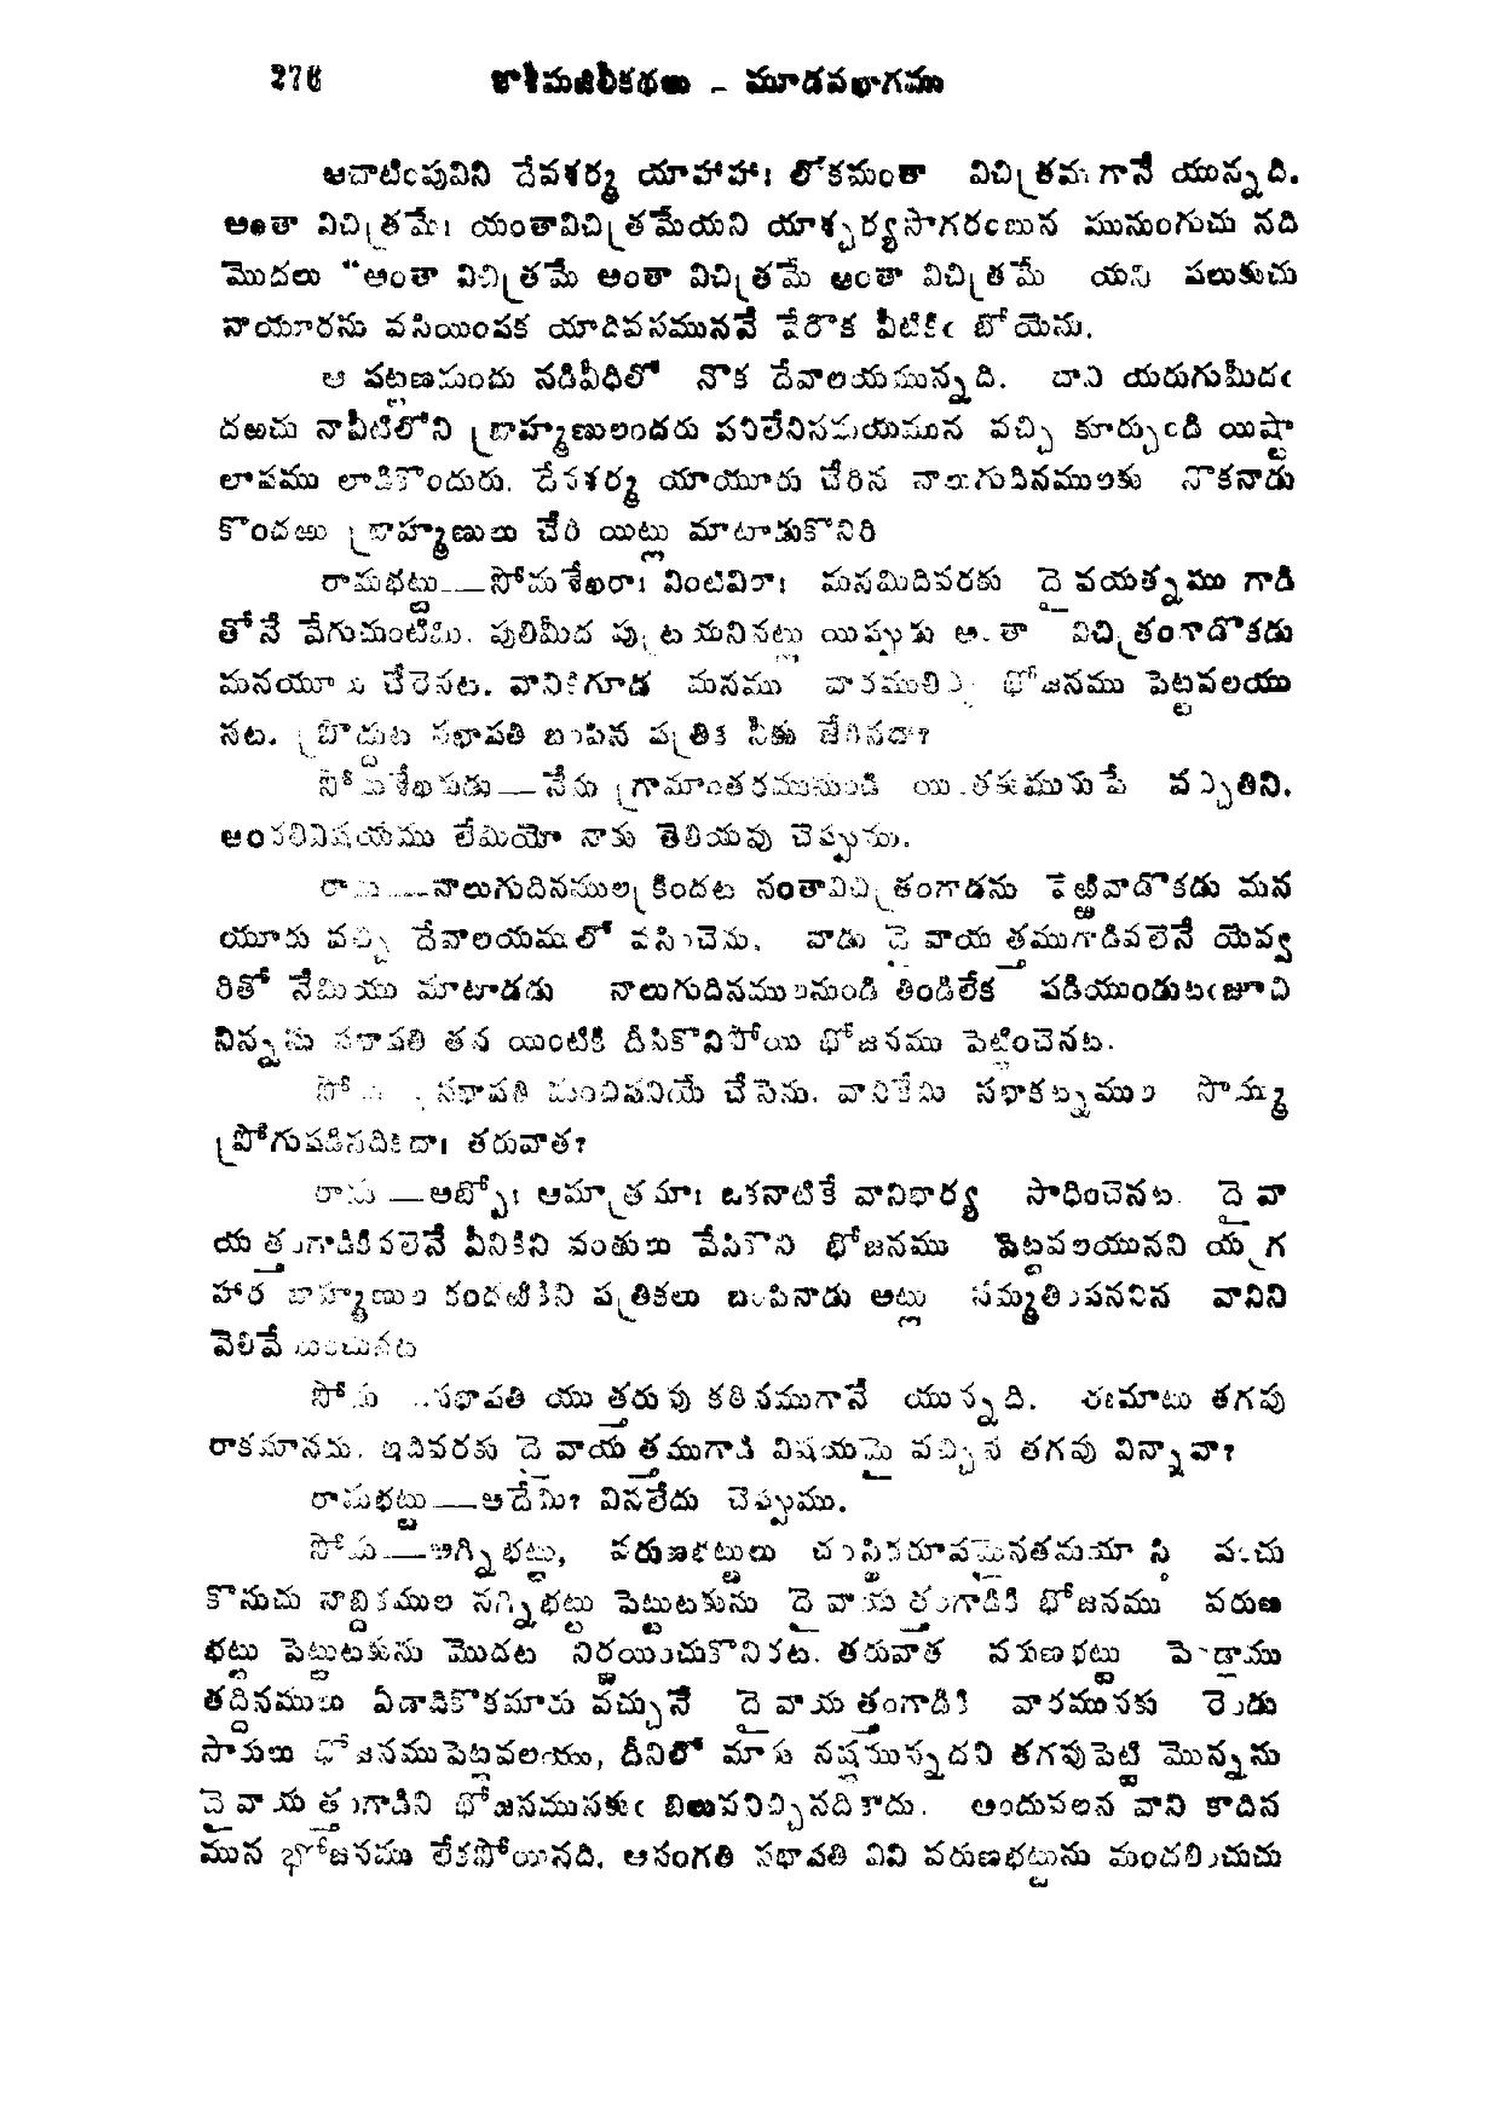ఆచాటింపువిని దేవశర్మ యాహాహా! లోకమంతా విచిత్రముగానే యున్నది. అంతా విచిత్రమే! యంతావిచిత్రమేయని యాశ్చర్యసాగరంబున మునుంగుచు నదిమొదలు “అంతా విచిత్రమే అంతా విచిత్రమే అంతా విచిత్రమే యని పలుకుచు నాయూరను వసియింపక యాదివసముననే వేరొక వీటికిఁ బోయెను.

ఆ పట్టణమందు నడివీధిలో నొక దేవాలయమున్నది. దాని యరుగుమీదఁ దఱచు నావీటిలోని బ్రాహ్మణులందరు పనిలేనిసమయమున వచ్చి కూర్చుండి యిష్టాలాపము లాడికొందురు. దేవశర్మ యాయూరు చేరిన నాలుగుదినములకు నొకనాడు కొందఱు బ్రాహ్మణులు చేరి యిట్లు మాటాడుకొనిరి

రామభట్టు - సోమశేఖరా ! వింటివిరా! మనమిదివరకు దైవయత్నము గాడితోనే వేగుచుంటిమి. పులిమీద పుట్రయనినట్లు యిప్పుడు అంతా విచిత్రంగాడొకడు మనయూరు చేరెనట. వానికిగూడ మనము వారములిచ్చి భోజనము పెట్టవలయునట. ప్రొద్దుట సభాపతి బంపిన పత్రిక నీకు జేరినదా?

సోమశేఖరుడు - నేను గ్రామాంతరమునుండి యింతకుమునుపే వచ్చితిని. అందలివిషయము లేమియో నాకు తెలియవు చెప్పుము.

రామ - నాలుగుదినములక్రిందట నంతావిచిత్రంగాడను వెఱ్ఱివాడొకడు మన యూరు వచ్చి దేవాలయములో వసించెను. వాడు దైవాయత్తముగాడివలెనే యెవ్వరితో నేమియు మాటాడడు నాలుగుదినములనుండి తిండిలేక పడియుండుటఁజూచి నిన్నను సభాపతి తన యింటికి దీసికొనిపోయి భోజనము పెట్టించెనట.

సోమ - సభాపతి మంచిపనియే చేసెను. వానికేమి సభాకట్నముల సొమ్ము ప్రోగుపడినదికదా! తరువాత?

రామ — అబ్బో! ఆమాత్రమా! ఒకనాటికే వానిభార్య సాధించెనట. దైవాయత్తంగాడికివలెనే వీనికిని వంతులు వేసికొని భోజనము పెట్టవలయునని యగ్రహార బ్రాహ్మణుల కందఱికిని పత్రికలు బంపినాడు అట్లు సమ్మతింపననిన వానిని వెలివేయించునట

సోమ - సభాపతి యుత్తరువు కఠినముగానే యున్నది. ఈమాటు తగవు రాకమానదు. ఇదివరకు దైవాయత్తముగాడి విషయమై వచ్చిన తగవు విన్నావా?

రామభట్టు - అదేమి? వినలేదు చెప్పుము.

సోమ - అగ్నిభట్టు, వరుణభట్టులు చరస్థిరరూపమైనతమయాస్తి పంచుకొనుచు నాబ్దికముల నగ్నిభట్టు 
పెట్టుటకును దైవాయత్తంగాడికి భోజనము వరుణభట్టు పెట్టుటకును మొదట నిర్ణయించుకొనిరట. తరువాత వరుణభట్టు పెండ్లాము తద్దినములు ఏడాదికొకమారు వచ్చునే దైవాయత్తంగాడికి వారమునకు రెండు సారులు భోజనము పెట్టవలయు, దీనిలో మాకు నష్టమున్నదని తగవుపెట్టి మొన్నను దైవాయత్తంగాడిని భోజనమునకుఁ బిలువనిచ్చినదికాదు. అందువలన వాని కాదినమున భోజనము లేకపోయినది. ఆసంగతి సభాపతి విని వరుణభట్టును మందలించుచు